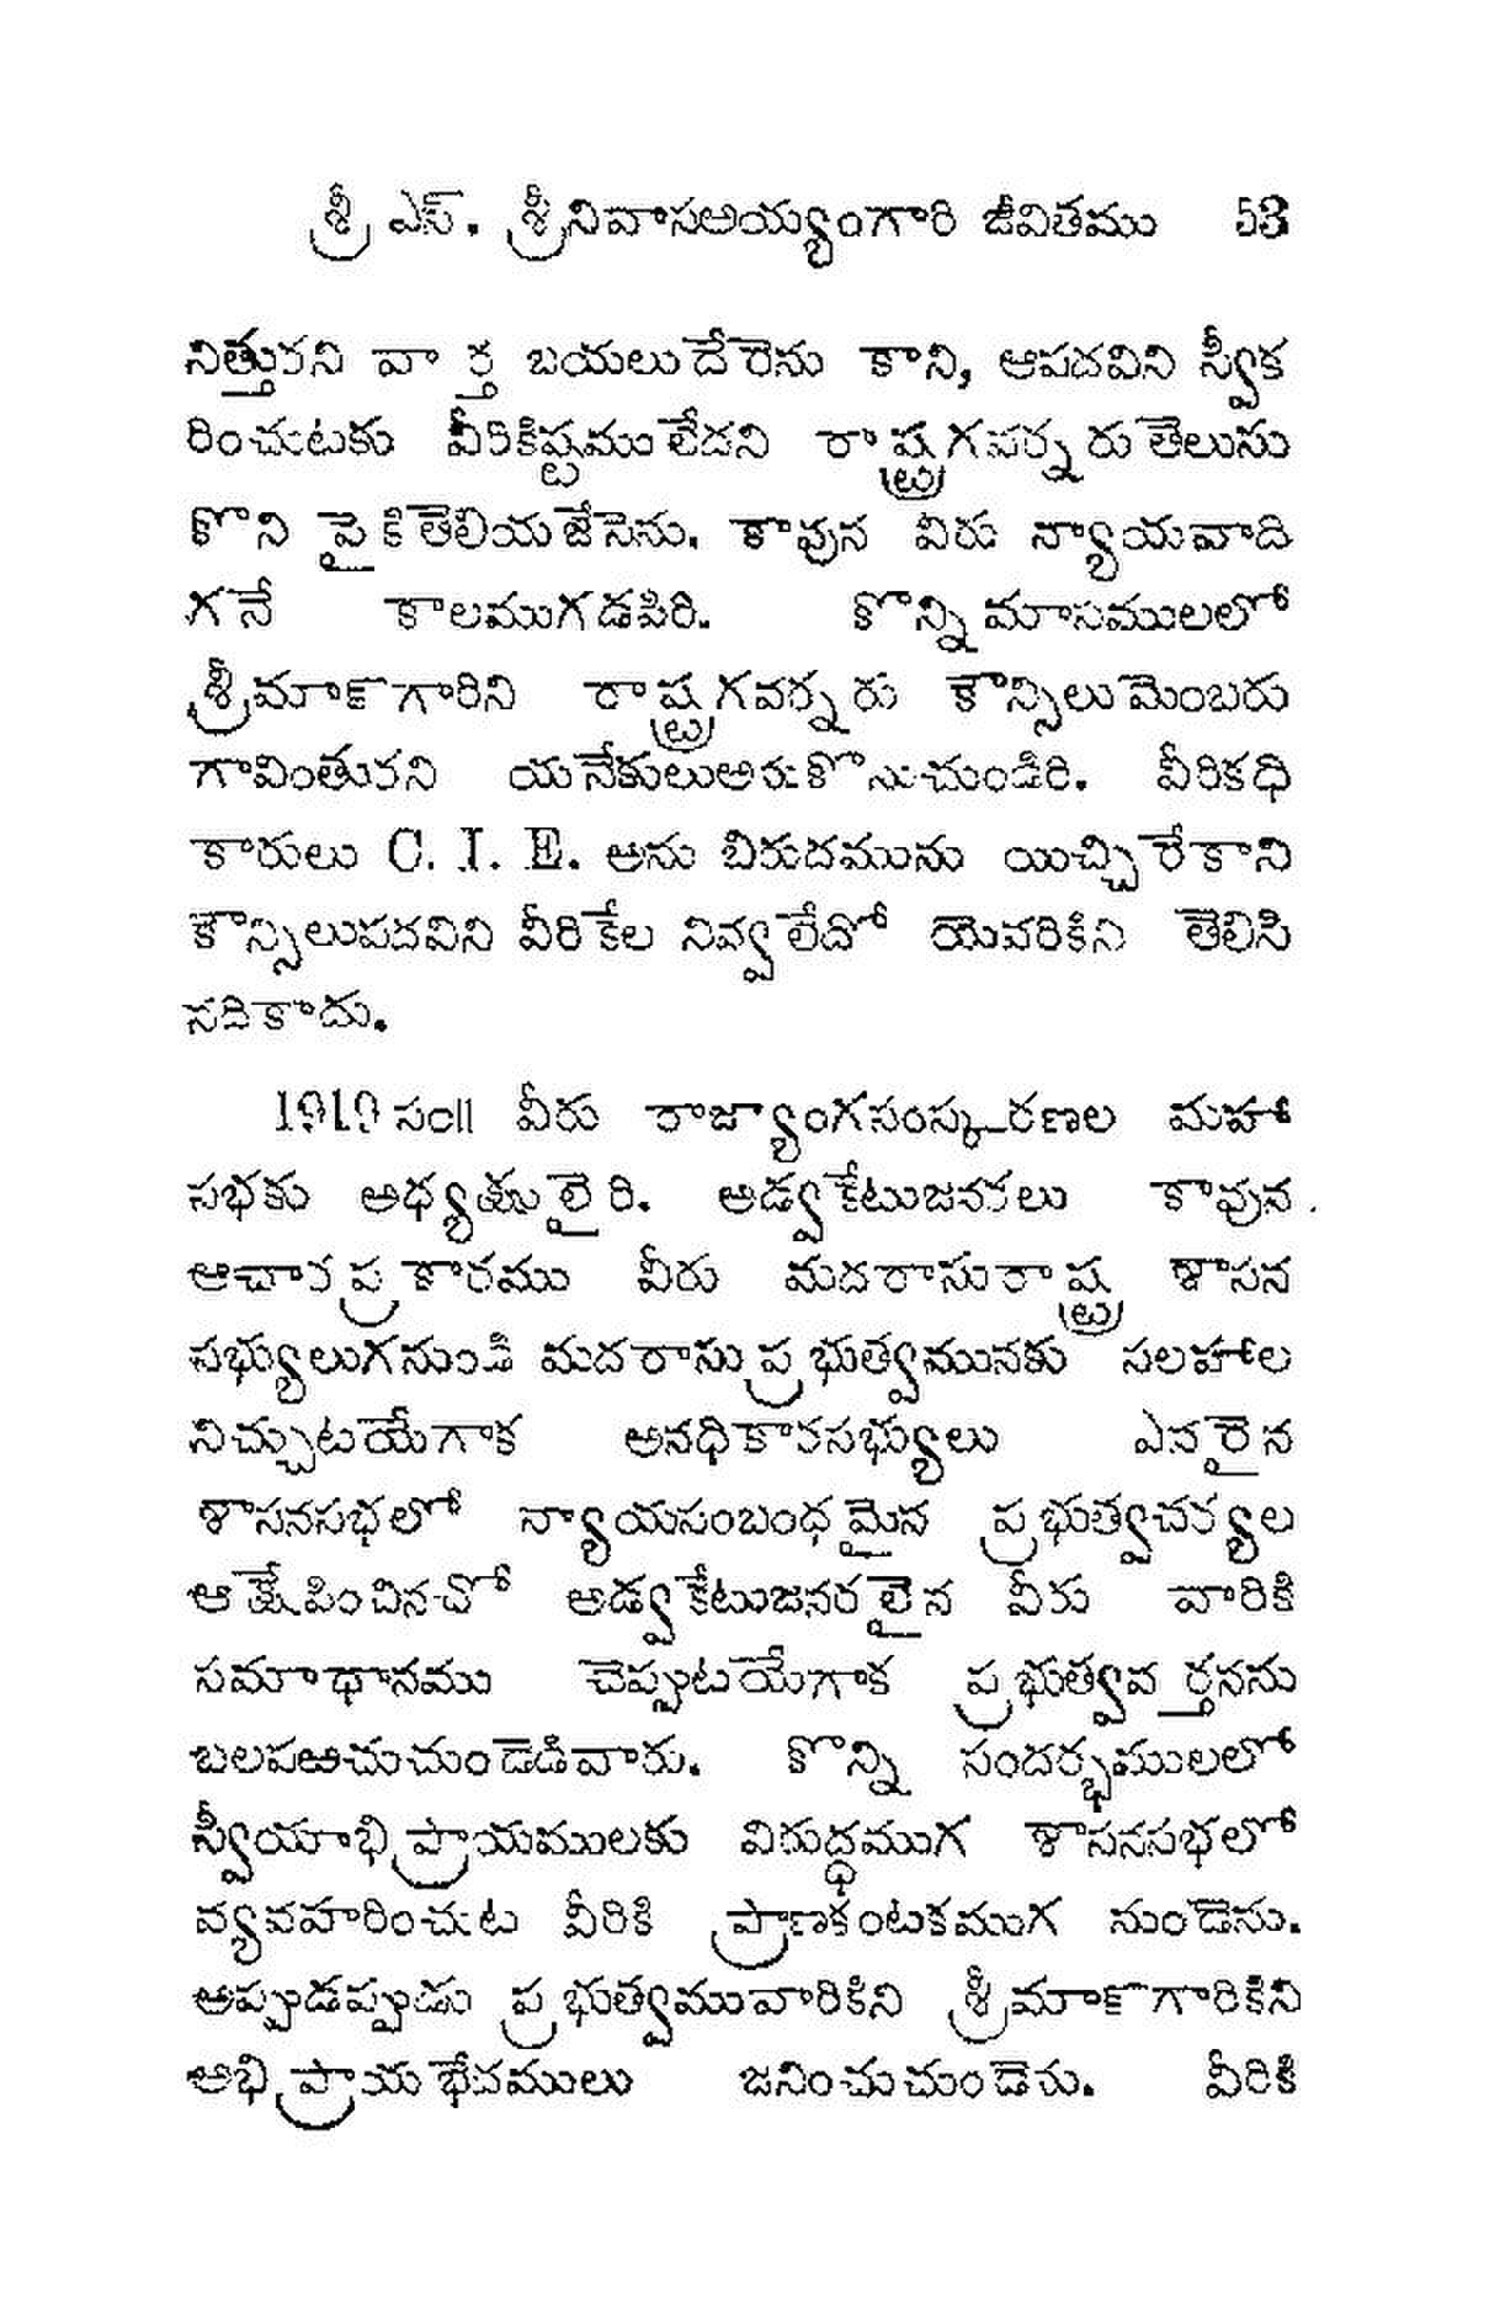నిత్తురని వార్త బయలుదేరెను కాని, ఆపదవిని స్వీకరించుటకు వీరికిష్టములేదని రాష్ట్రగవర్నరు తెలుసుకొని పైకితెలియజేసెను. కావున వీరు న్యాయవాదిగనే కాలముగడపిరి. కొన్నిమాసములలో శ్రీమా౯గారిని రాష్ట్రగవర్నరు కౌన్సిలుమెంబరు గావింతురని యనేకులు అనుకొనుచుండిరి. వీరికధికారులు C. I. E. అను బిరుదమును యిచ్చిరేకాని కౌన్సిలుపదవిని వీరికేల నివ్వలేదో యెవరికిని తెలిసినదికాదు.

1919 సం|| వీరు రాజ్యాంగసంస్కరణల మహాసభకు అధ్యక్షులైరి. అడ్వకేటుజునరలు కావున ఆచారప్రకారము వీరు మదరాసురాష్ట్ర శాసన సభ్యులుగనుండి మదరాసు ప్రభుత్వమునకు సలహాలనిచ్చుటయేగాక అనధికారసభ్యులు ఎవరైన శాసనసభలో న్యాయసంబంధమైన ప్రభుత్వచర్యల ఆక్షేపించినచో అడ్వకేటుజనరలైన వీరు వారికి సమాధానము చెప్పుటయేగాక ప్రభుత్వవర్తనను బలపఱచుచుండెడివారు. కొన్ని సందర్భములలో స్వీయాభిప్రాయములకు విరుద్ధముగ శాసనసభలో వ్యవహరించుట వీరికి ప్రాణాకంటకముగ నుండెను. అప్పుడప్పుడు ప్రభుత్వమువారికిని శ్రీమా౯గారికిని అభిప్రాయభేదములు జనించుచుండెను. వీరికి